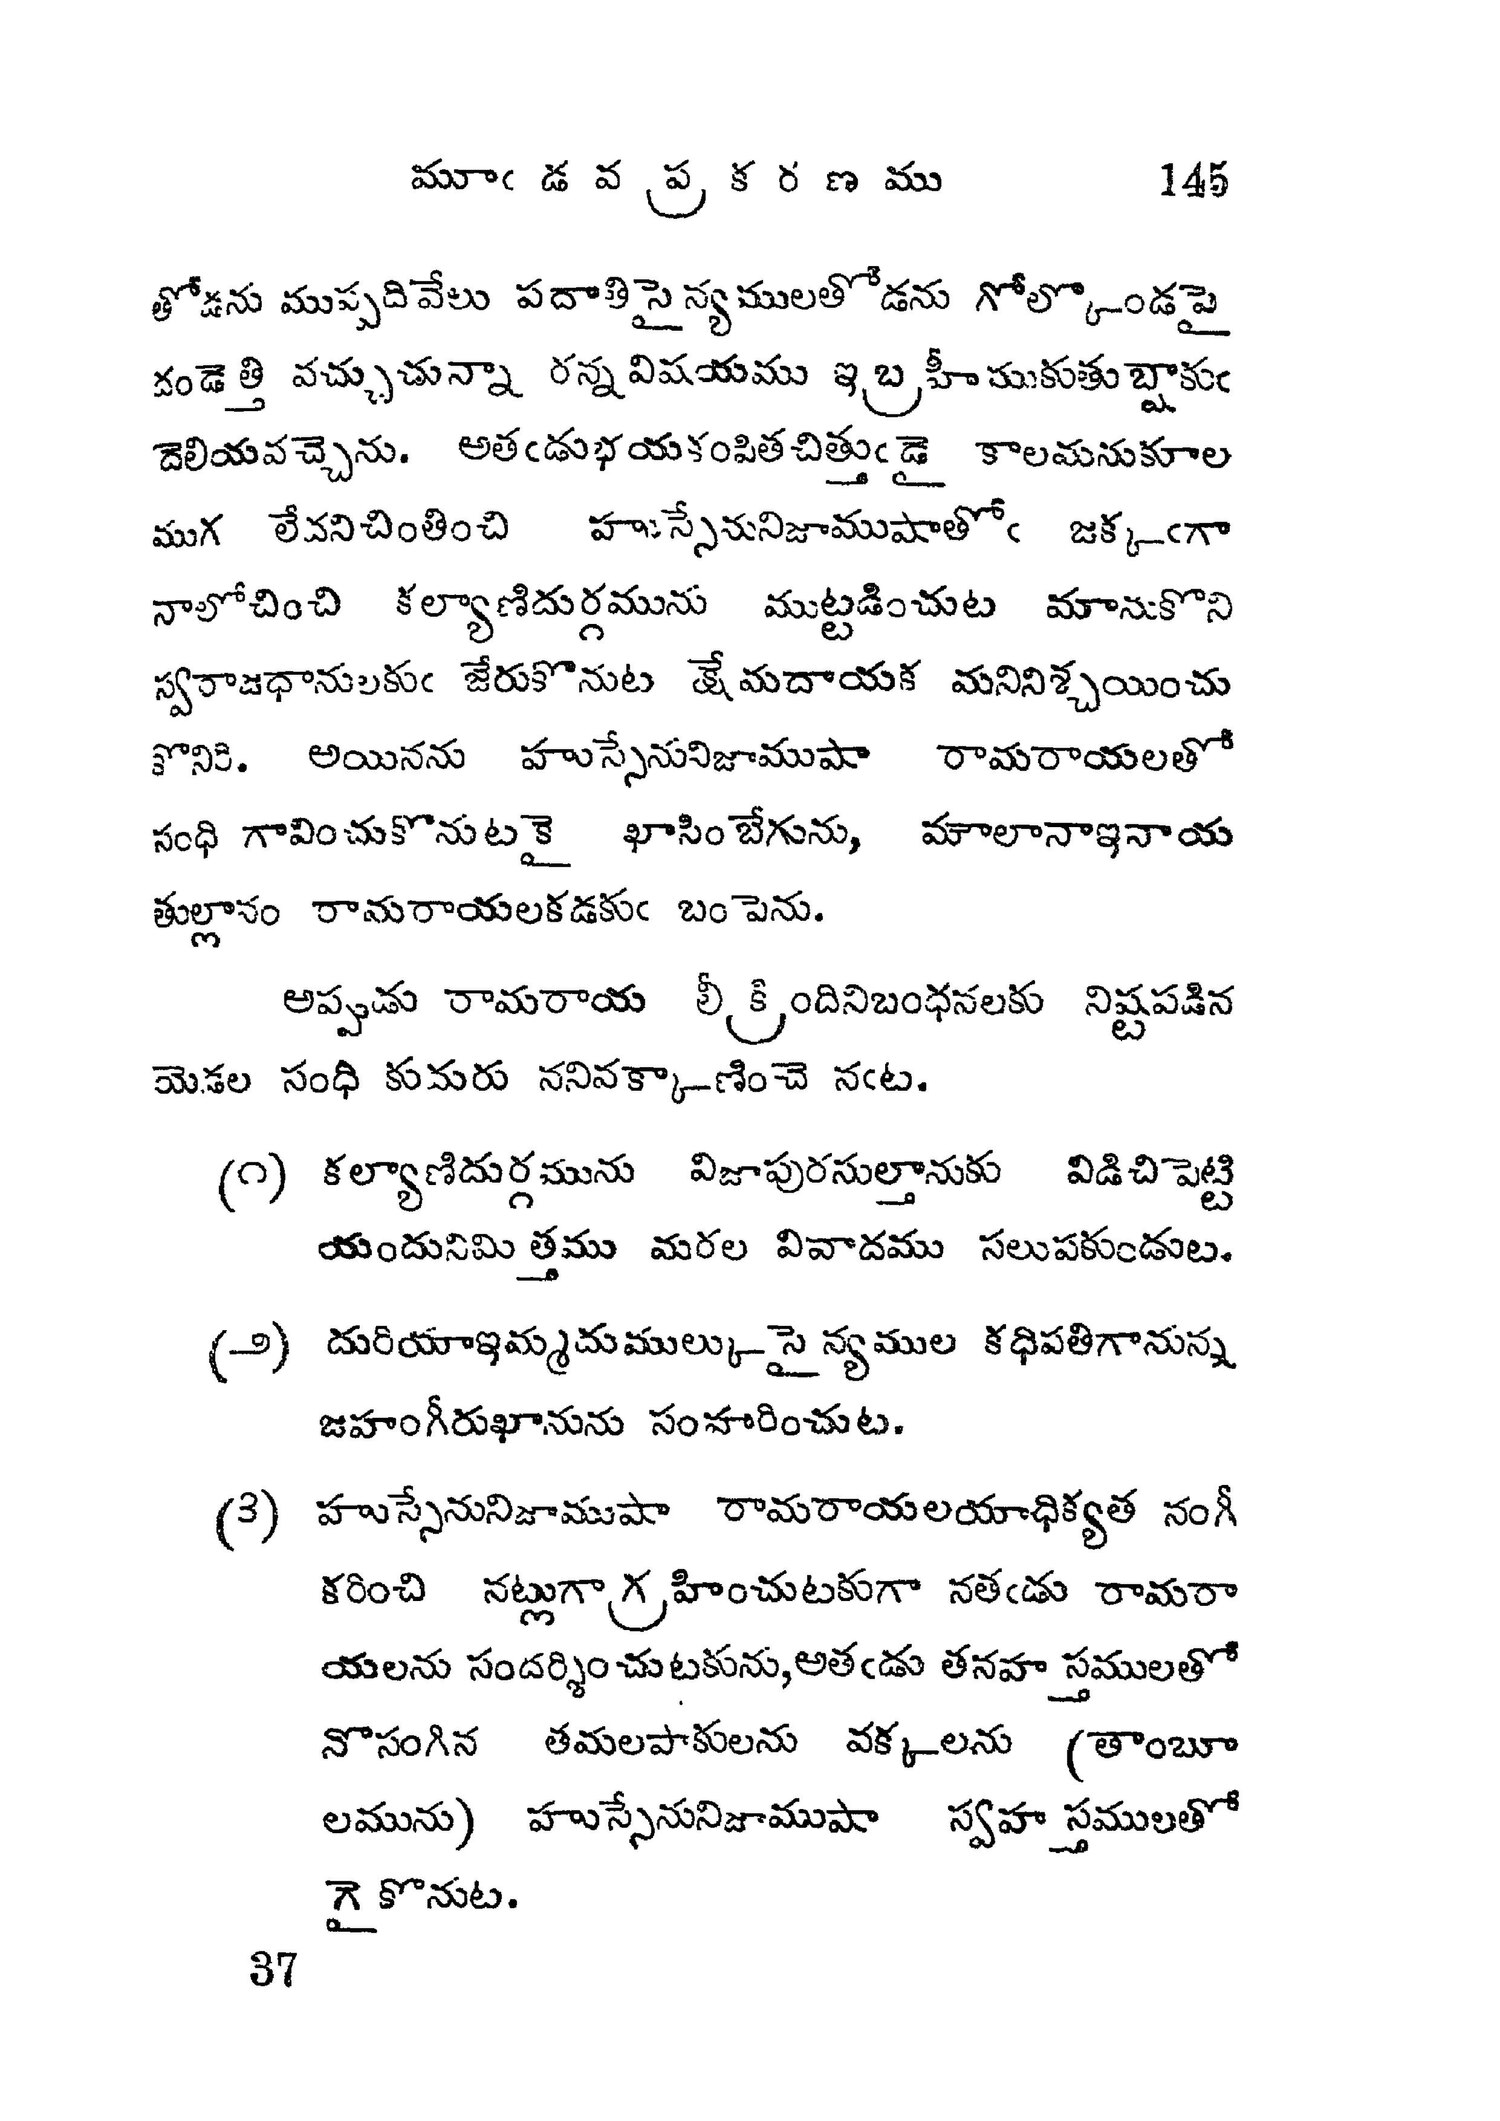తోడను ముప్పదివేలు పదాతిసైన్యములతోడను గోల్కొండపై దండెత్తి వచ్చుచున్నా రన్నవిషయము ఇబ్రహీముకుతుబ్షాకు దెలియవచ్చెను. అతడు భయకంపితచిత్తుడై కాలమనుకూలముగ లేదనిచింతించి హుస్సేనునిజాముషాతో జక్కగా నాలోచించి కల్యాణిదుర్గమును ముట్టడించుట మానుకొని స్వరాజధానులకు జేరుకొనుట క్షేమదాయక మని నిశ్చయించుకొనిరి. అయినను హుస్సేనునిజాముషా రామరాయలతో సంధి గావించుకొనుటకై ఖాసింబేగును, మౌలానాఇనాయతుల్లానం రామరాయలకడకు బంపెను.

అప్పుడు రామరాయ లీక్రిందినిబంధనలకు నిష్టపడినయెడల సంధి కుదురు ననివక్కాణించెనట.

(1) కళ్యాణిదుర్గమును విజాపురసుల్తానుకు విడిచిపెట్టి యందునిమిత్తము మరల వివాదము సలుపకుండుట.

(2) దురియాఇమ్మదుముల్కు సైన్యముల కధిపతిగానున్న జహంగీరుఖానును సంహరించుట. 

(3)హుస్సేనునిజాముషా రామరాయలయాధిక్యత నంగీకరించి నట్లుగాగ్రహించుటకుగా నతడు రామరాయలను సందర్శించుటకును, అతడు తనహస్తములతో నొసంగిన తమలపాకులను వక్కలను (తాంబూలమును) హుస్సేనునిజాముషా స్వహస్తములతో గైకొనుట.